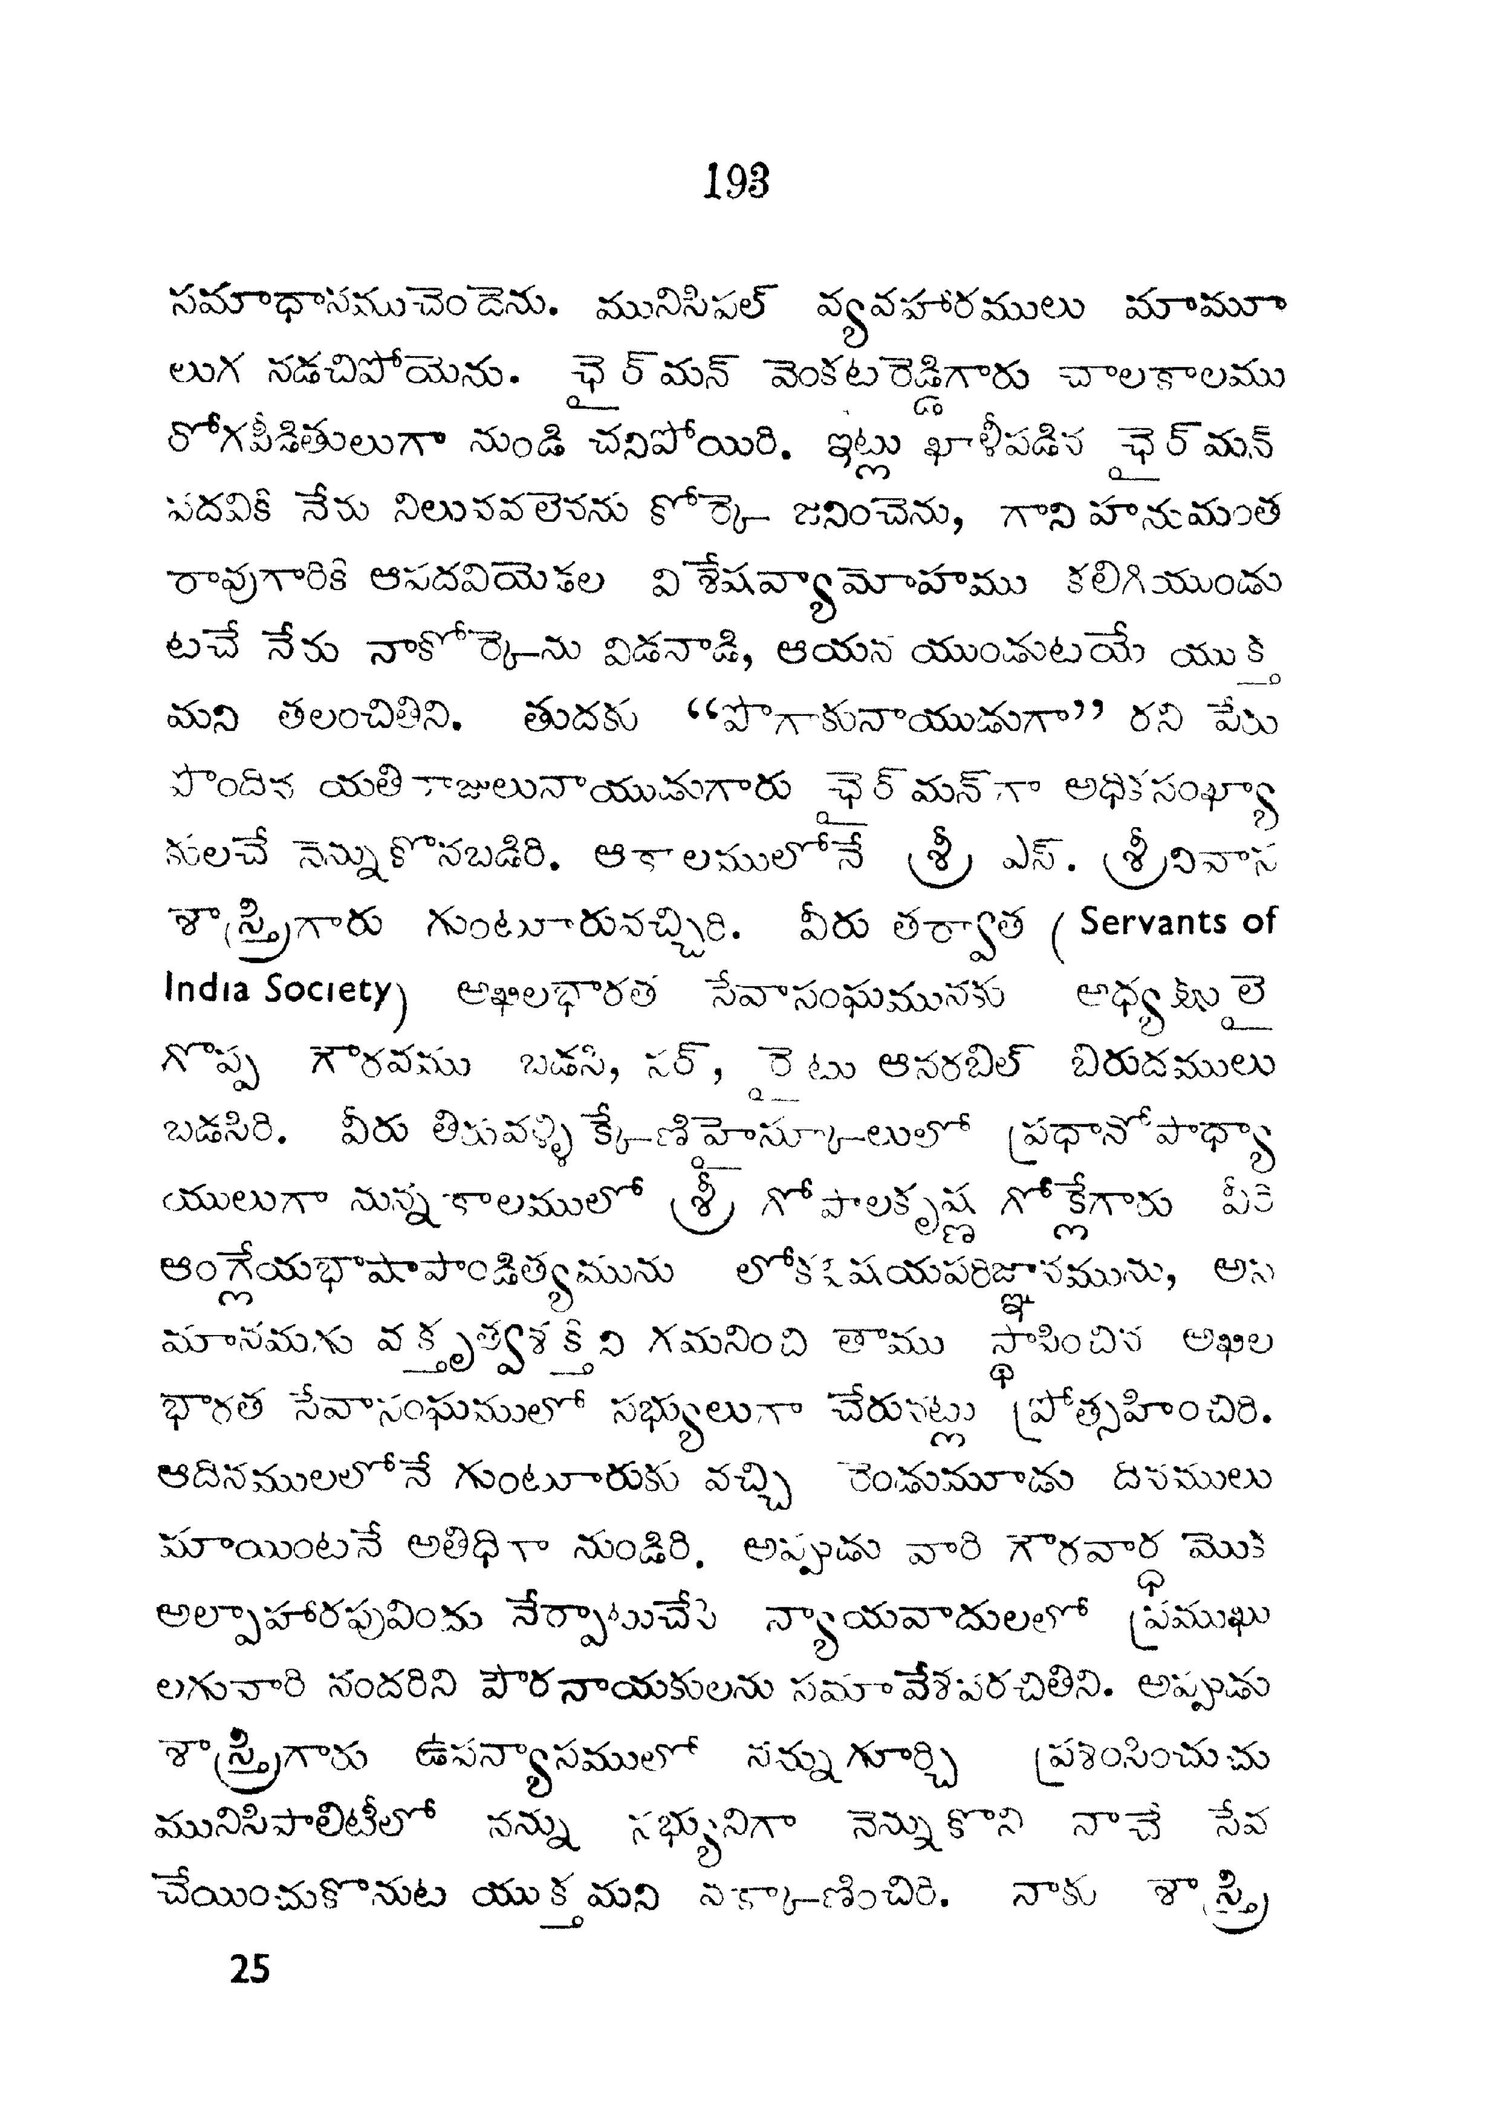సమాధానముచెందెను. మునిసిపల్ వ్యవహారములు మామూలుగ నడచిపోయెను. ఛైర్‌మన్ వెంకటరెడ్డిగారు చాలకాలము రోగపీడితులుగా నుండి చనిపోయిరి. ఇట్లు ఖాళీపడిన ఛైర్‌మన్ పదవికి నేను నిలువవలెనను కోర్కె జనించెను, గాని హనుమంతరావుగారికి ఆపదవియెడల విశేషవ్యామోహము కలిగియుండుటచే నేను నాకోర్కెను విడనాడి, ఆయన యుండుటయే యుక్తమని తలంచితిని. తుదకు "పొగాకునాయుడుగా" రని పేరుపొందిన యతిరాజులునాయుడుగారు ఛైర్‌మన్‌గా అధికసంఖ్యాకులచే నెన్నుకొనబడిరి. ఆకాలములోనే శ్రీ. ఎస్. శ్రీనివాస శాస్త్రిగారు గుంటూరువచ్చిరి. వీరు తర్వాత (Servants of india society) అఖిలభారత సేవాసంఘమునకు అధ్యక్షులై గొప్ప గౌరవము బడసి, సర్, రైటి ఆనరబిల్ బిరుదములు బడసిరి. వీరు తిరువళ్ళిక్కేణిహైస్కూలులో ప్రధానోపాధ్యాయులుగా నున్నకాలములో శ్రీ గోపాలకృష్ణ గోక్లేగారు వీరి ఆంగ్లేయభాషాపాండిత్యమును లోకవిషయపరిజ్ఞానమును, అసమానమగు వక్తృత్వశక్తిని గమనించి తాము స్థాపించిన అఖిలభారత సేవాసంఘములో సభ్యులుగా చేరునట్లు ప్రోత్సాహించిరి. ఆదినములలోనే గుంటూరుకు వచ్చి రెండుమూడు దినములు మాయింటనే అతిధిగా నుండిరి. అప్పుడు వారి గౌరవార్ధ మొక అల్పాహారవిందు నేర్పాటుచేసి న్యాయవాదులలో ప్రముఖులగువారి నందరిని పౌరనాయకులను సమావేశపరచితిని. అప్పుడు శాస్త్రిగారు ఉపన్యాసములో నన్నుగూర్చి ప్రశంసించుచు మునిసిపాలిటీలో నన్ను సభ్యునిగా నెన్నుకొని నాచే సేవచేయించుకొనుట యుక్తమని వక్కాణించిరి. నాకు శాస్త్రి